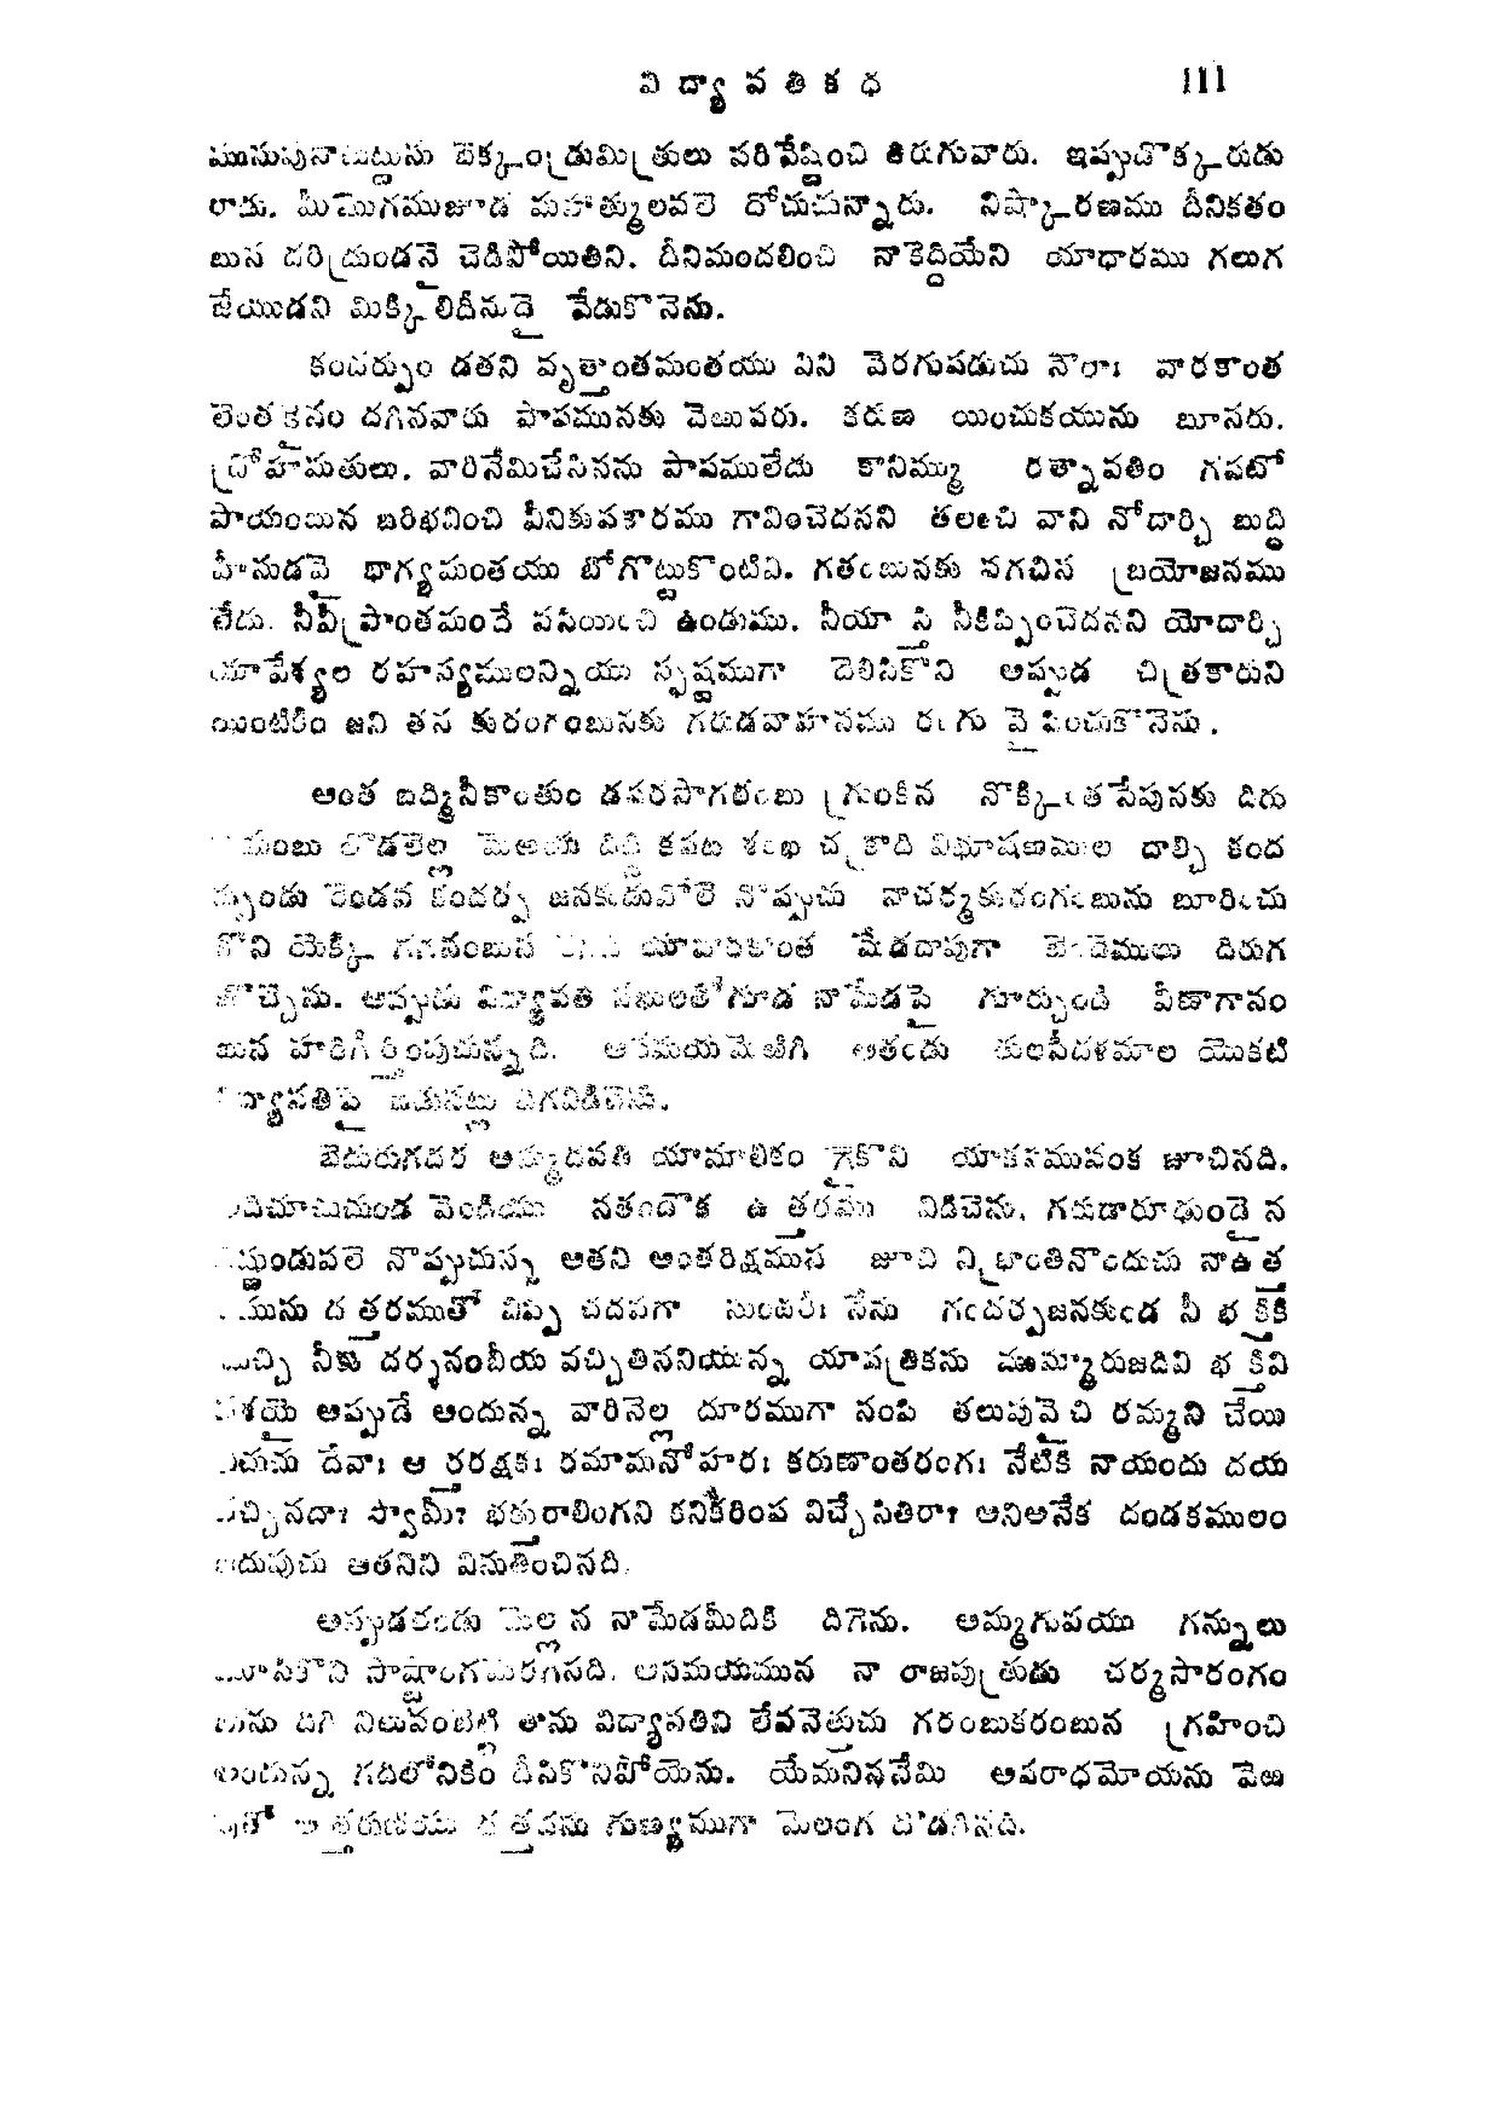మునుపునాచుట్టును బెక్కండ్రుమిత్రులు పరివేష్టించి తిరుగువారు. ఇప్పుడొక్కరుడు రాడు. మీమొగముజూడ మహాత్ములవలె దోచుచున్నారు. నిష్కారణము దీనికతంబున దరిద్రుండనై చెడిపోయితిని. దీనిమందలించి నాకెద్దియేని యాధారము గలుగ జేయుడని మిక్కి లిదీనుడై వేడుకొనెను.

కందర్పుం డతని వృత్తాంతమంతయు విని వెరగుపడుచు నౌరా! వారకాంత లెంతకైనం దగినవారు పాపమునకు వెఱువరు. కరుణ యించుకయును బూనరు. ద్రోహమతులు. వారినేమిచేసినను పాపములేదు కానిమ్ము రత్నావతిం గపటోపాయంబున బరిభవించి వీనికుపకారము గావించెదనని తలంచి వాని నోదార్చి బుద్ధిహీనుడవై భాగ్యమంతయు బోగొట్టుకొంటివి. గతంబునకు వగచిన బ్రయోజనము లేదు. నీవీప్రాంతమందే వసియించి ఉండుము. నీయాస్తి నీకిప్పించెదనని యోదార్చి యావేశ్యల రహస్యములన్నియు స్పష్టముగా దెలిసికొని అప్పుడ చిత్రకారుని యింటికిం జని తన కురంగంబునకు గరుడవాహనము రంగు వైపించుకొనెను.

అంత బద్మినీకాంతుం డపరసాగరంబు గ్రుంకిన నొక్కింతసేపునకు దిరుమయంబు లొడలెల్ల మెఱయ దిద్ది కపట శంఖ చక్రాది విభూషణముల దాల్చి కందర్పుండు రెండవ కందర్ప జనకుడువోలె నొప్పుచు నాచర్మకురంగంబును బూరించుకొని యెక్కి గగనంబున కెగసి యావారకాంత మేడదాపుగా బెండెములు దిరుగ జొచ్చెను. అప్పుడు విద్యావతి సఖులతోగూడ నామేడపై గూర్చుండి వీణాగానంబున హరిగీర్తింపుచున్నది. ఆసమయమెఱిగి అతండు తులసీదళమాల యొకటి విద్యావతిపై పడునట్లు దిగవిడిచెను .

బెదురుగదర అమ్ముదవతి యామాలికం గైకొని యాకసమువంక జూచినది. అదిచూచుచుండ వెండియు నతండొక ఉత్తరము విడిచెను. గరుడారూఢుండైన విష్ణుండువలె నొప్పుచున్న అతని అంతరిక్షమున జూచి విభ్రాంతినొందుచు నాఉత్తరమును దత్తరముతో విప్పి చదవగా సుందరీ! నేను గందర్పజనకుండ నీ భక్తికి మెచ్చి నీకు దర్శనంబీయ వచ్చితిననియున్న యాపత్రికను ముమ్మారుజదివి భక్తివివశయై అప్పుడే అందున్న వారినెల్ల దూరముగా నంపి తలుపువైచి రమ్మని చేయి వీచుచు దేవా! ఆర్తరక్షక! రమామనోహర! కరుణాంతరంగ! నేటికి నాయందు దయ వచ్చినదా? స్వామీ? భక్తురాలింగని కనికరింప విచ్చేసితిరా? అనిఅనేక దండకములం జదువుచు ఆతనిని వినుతించినది.

అప్పుడతండు మెల్లన నామేడమీదికి దిగెను. అమ్మగువయు గన్నులు మూసికొని సాష్టాంగమెరగినది. ఆసమయమున నా రాజపుత్రుడు చర్మసారంగంబును దిగి నిలువంబెట్టి తాను విద్యావతిని లేవనెత్తుచు గరంబుకరంబున గ్రహించి అందున్న గదిలోనికిం దీసికొనిపోయెను. యేమనిననేమి అపరాధమోయను వెఱపుతో అత్తరుణియు దత్తదను గుణ్యముగా మెలంగ దొడగినది.